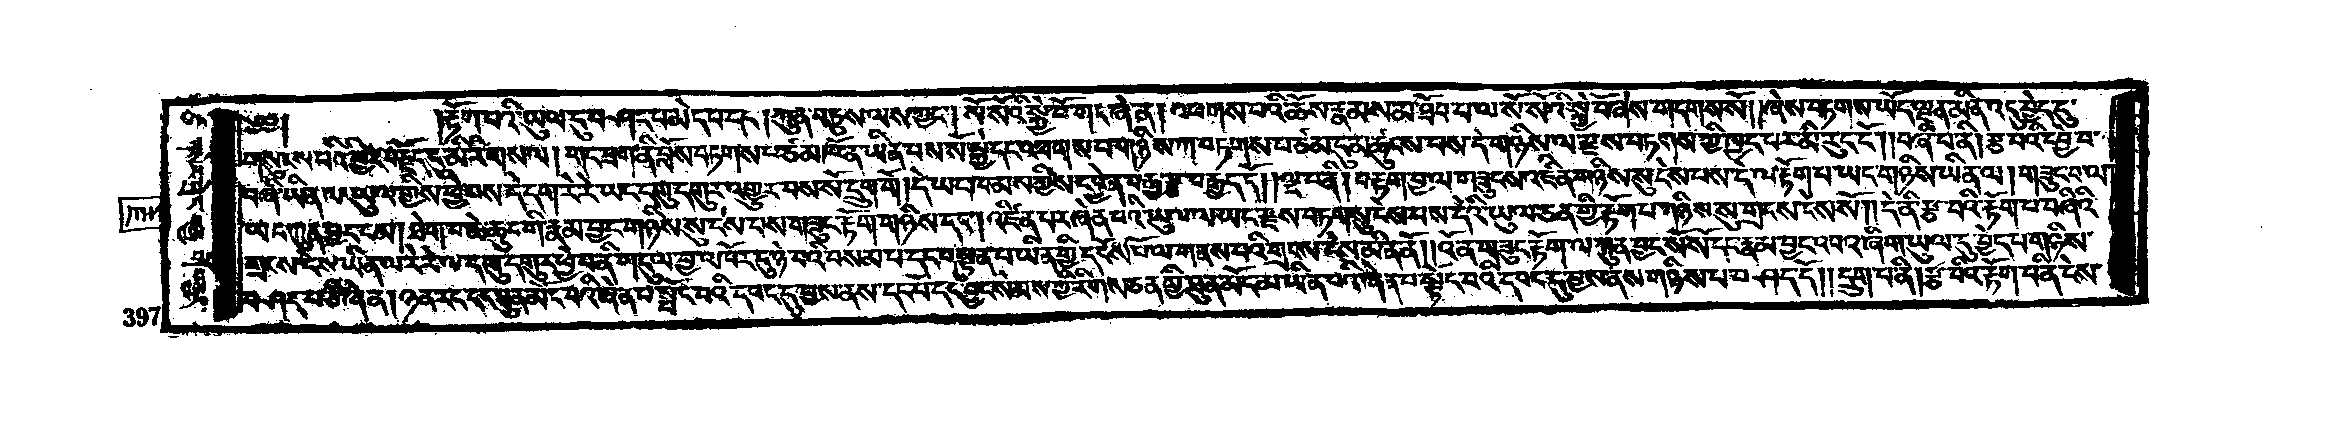༄༅། །རྟོག་པའི་ཡུལ་དུ་བཤད་པ་མེད་པ་དང་། ཀུན་བཏུས་ལས་ཀྱང་། སོ་སོའི་སྐྱེ་བོ་གང་ཞེ་ན། འཕགས་པའི་ཆོས་རྣམས་མ་ཐོབ་པ་ལ་སོ་སོའི་སྐྱེ་བོ་ཞེས་གདགས་སོ། །ཞེས་བཏགས་ཡོད་ལྡན་མིན་འདུ་བྱེད་དུ་
གསུངས་པའི་ཕྱིར་བརྗོད་དུ་མི་རིགས་ལ། གང་ཟག་ནི་བློས་བཏགས་པ་ཙམ་ཁོ་ན་ཡིན་པས་སོ་སྐྱེ་དང་འཕགས་པ་གཉིས་ཀ་བཏགས་པ་ཙམ་དུ་མཚུངས་པས་དེ་གཉིས་ལ་རྫས་བཏགས་ཀྱི་ཁྱད་པར་མི་རུང་ངོ། །བཞི་པ་ནི། རྩ་བའི་དབྱེ་བ་
བཞི་ཡིན་ལ་ཡུལ་གྱིས་ཕྱེ་བས་དེ་དག་རེ་རེ་ཡང་དགུ་དགུར་འགྱུར་བས་སོ་དྲུག་གོ །དེ་ཡང་ཁམས་ཀྱིས་དབྱེ་ན་བརྒྱ་རྩ་བརྒྱད་དོ། །ལྔ་པ་ནི། བརྟག་བྱ་ལ་གཟུངས་འཛིན་གཉིས་སུ་ངེས་པས་དེ་ལ་རྟོག་པ་ཡང་གཉིས་ཡིན་ལ། གཟུང་བ་ལ་
ཡང་ཀུན་བྱང་ངམ། ཐེག་པ་ཆེ་ཆུང་གི་རྣམ་བྱང་གཉིས་སུ་ངེས་པས་གཟུང་རྟོག་གཉིས་དང་། འཛིན་པར་ཞེན་པའི་ཡུལ་ལ་ཡང་རྫས་བཏགས་སུ་ངེས་པས་དེའི་ཡུལ་ཅན་གྱི་རྟོག་པ་གཉིས་སུ་གྲངས་ངེས་སོ། །དེ་ནི་རྩ་བའི་རྟོག་པ་བཞིའི་
གྲངས་ངེས་ཡིན་ལ་རེ་རེ་ལ་དགུ་དགུར་ཕྱེ་བ་ནི་གདུལ་བྱ་འཁོར་དུ་ཉེ་བའི་བསམ་པ་དང་བསྟུན་པ་ཡིན་གྱི་དངོས་པོ་ལ་གནས་པའི་གྲངས་ངེས་མིན་ནོ། །འོ་ན་གཟུང་རྟོག་ལ་ཀུན་བྱང་སོ་སོ་དང་རྣམ་བྱང་འབའ་ཞིག་ཡུལ་དུ་བྱེད་པ་གཉིས་
བཤད་པ་ཅི་ཞེ་ན། ཉན་རང་དང་ཐུན་མོང་བའི་ཞེན་པ་སྤོང་བའི་དབང་དུ་བྱས་ནས་དང་པོ་དང་བྱང་སེམས་ཀྱི་རིགས་ཅན་གྱི་ཐུན་མོང་མ་ཡིན་པའི་ཞེན་པ་སྤོང་བའི་དབང་དུ་བྱས་ནས་གཉིས་པ་བཤད་དོ། །དྲུག་པ་ནི། རྩ་བའི་རྟོག་པ་ནི་ངེས་